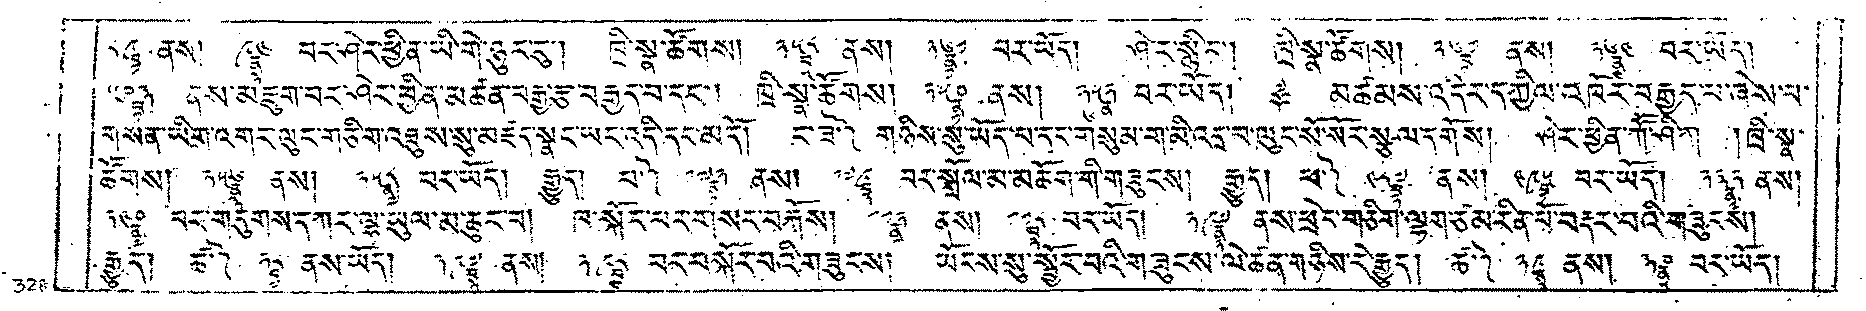༨༩་བ ༡་ནས། ༩༤་ན ༣་བར་ཤེར་ཕྱིན་ཡི་གེ་ཉུང་ངུ། ཁྲི་སྣ་ཚོགས། ༢༥༨་བ ༥ཨ་ནས། ༢༦༡་ན ༡་བར་ཡོད། ཤེར་སྙིང་། ཁྲི་སྣ་ཚོགས། ༢༦༡་བ ༡་ནས། ༢༦༤་ན ༤་བར་ཡོད།
༥༠༣་བ ༡་ནས་མཇུག་པར་ཤེར་ཕྱིན་མཚན་བརྒྱ་རྩ་བརྒྱད་པ་དང་། ཁྲི་སྣ་ཚོགས། ༢༥༠་ན ༡་ནས། ༢༥༢་ན ༦་བར་ཡོད། ༈ མཚམས་འདིར་དཀྱིལ་འཁོར་བརྒྱད་པ་ཞེས་པ་
གསན་ཡིག་འགར་ལུང་གཅིག་འཐུས་སུ་མཛད་སྣང་ཡང་འདི་དང་མདོ། ང་ཟ྄་གཉིས་སུ་ཡོད་པ་དང་གསུམ་ག་མི་འདྲ་བ་ལུང་སོ་སོར་སྩལ་དགོས། ཤེར་ཕྱིན་ཀཽ་ཤི་ཀ །ཁྲི་སྣ་
ཚོགས། ༢༥༦་ན ༣་ནས། ༢༥༨་ན ༧་བར་ཡོད། རྒྱུད། པ྄ ༡༧༢་ན ༡་ནས། ༡༧༩་བ ༢་བར་སྒྲོལ་མ་མཆོག་གི་གཟུངས། རྒྱུད། ཕ྄ ༤༨༧་བ ༢་ནས། ༤༩༥་བ ༡་བར་ཡོད། ༢༣༢་ན ༧་ནས།
༢༤༠་ན ༧་བར་གདུགས་དཀར་ལྷ་ཡུལ་མ་ཆུང་བ། ཁ་སྐོང་པར་གསར་བརྐོས། ༡༡༢་ན ༡་ནས། ༡༡༨་བ ༢་བར་ཡོད། ༢༩༧་ན ༢་ནས་ཕྲེང་གཅིག་ལྷག་ཙམ་རིམ་པོ་བརྡར་བའི་གཟུངས།
རྒྱུད། ཚ྄ ༢༨་བ ༧་ནས་ཡོད། ༢༩༧་བ ༣་ནས། ༢༩༨་བ ༤་བར་བསྐོར་བའི་གཟུངས། ཡོངས་སུ་སྦྱོང་བའི་གཟུངས་ལེ་ཚན་གཉིས་རེ་རྒྱུད། ཚ྄ ༢༩་ན ༢་ནས། ༣༠་ན ༥་བར་ཡོད།